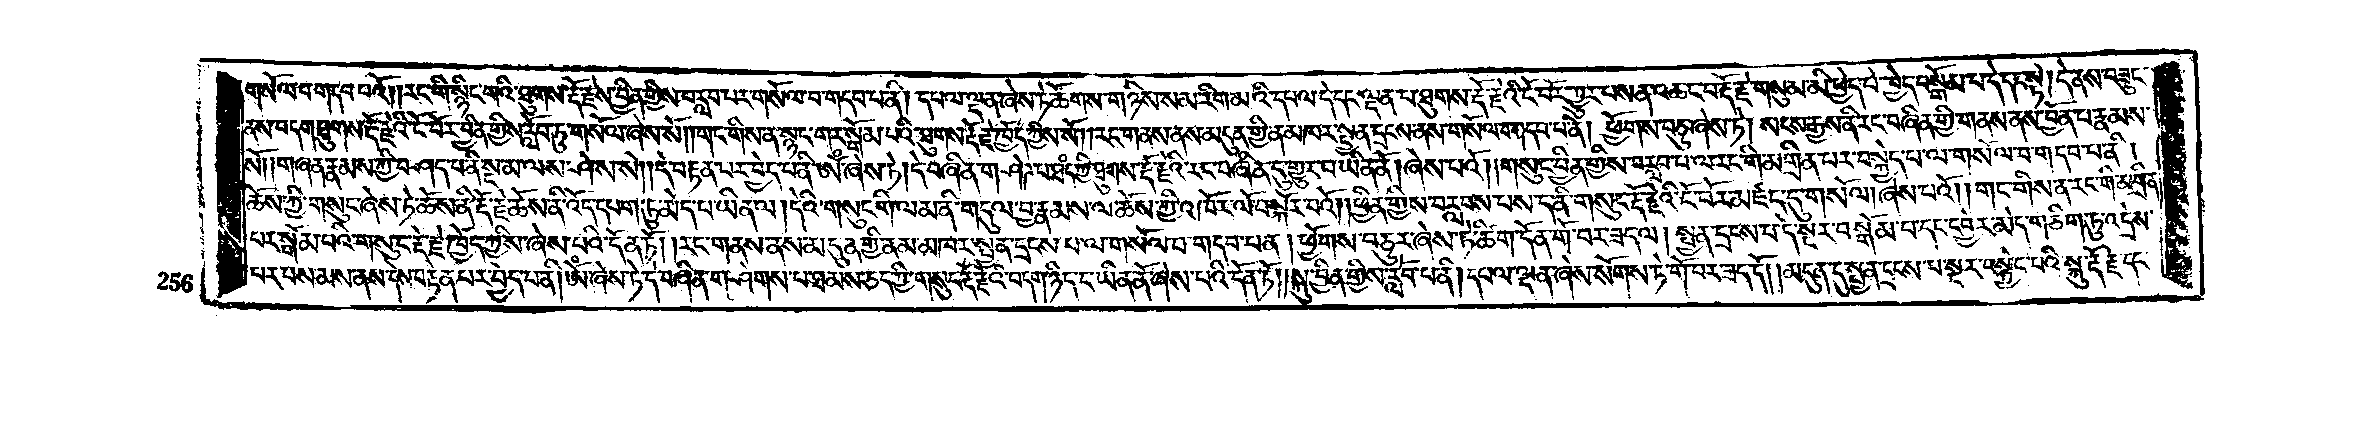གསོལ་བ་གདབ་པའོ། །རང་གི་སྙིང་གའི་ཐུགས་རྡོ་རྗེས་བྱིན་གྱིས་བརླབ་པར་གསོལ་བ་གདབ་པ་ནི། དཔལ་ལྡན་ཞེས་ཏེ་ཚོགས་གཉིས་སམ་རིག་མའི་དཔལ་དེ་དང་ལྡན་པ་ཐུགས་རྡོ་རྗེའི་ངོ་བོར་གྱུར་པས་ན་འཆང་བ་རྡོ་རྗེ་གསུམ་མི་ཕྱེད་པ་བྱེད་བསྒོམ་པ་དེ་དང་སྟེ། དེ་ནས་བཟུང་
ནས་བདག་ཐུགས་རྡོ་རྗེའི་ངོ་བོར་བྱིན་གྱིས་རློབ་ཏུ་གསོལ་ཞེས་སོ། །གང་གིས་ན་སྙིང་གར་སྒོམ་པའི་ཐུགས་རྡོ་རྗེ་ཁྱོད་ཀྱིས་སོ། །རང་གནས་ནས་མདུན་གྱི་ནམ་མཁར་སྤྱན་དྲངས་ནས་གསོལ་བ་གདབ་པ་ནི། ཕྱོགས་བཅུ་ཞེས་ཏེ། སངས་རྒྱས་ནི་རང་བཞིན་གྱི་གནས་ནས་བྱོན་པ་རྣམས་
སོ། །གཞན་རྣམས་ཀྱི་བཤད་པ་ནི་སྔ་མ་ལས་ཤེས་སོ། །དེ་བརྟན་པར་བྱེད་པ་ནི་ཨོཾ་ཞེས་ཏེ། དེ་བཞིན་གཤེགས་པ་ཐམས་ཅད་ཀྱི་ཐུགས་རྡོ་རྗེའི་རང་བཞིན་དུ་གྱུར་པ་ཡིན་ནོ། །ཞེས་པའོ། །གསུང་བྱིན་གྱིས་བརླབ་པ་ལ་རང་གི་མགྲིན་པར་བསྐྱེད་པ་ལ་གསོལ་བ་གདབ་པ་ནི། །
ཆོས་ཀྱི་གསུང་ཞེས་ཏེ་ཆོས་ནི་རྡོ་རྗེ་ཆོས་ནི་འོད་དཔག་ཏུ་མེད་པ་ཡིན་ལ། དེའི་གསུང་གི་ལམ་ནི་གདུལ་བྱ་རྣམས་ལ་ཆོས་ཀྱི་འཁོར་ལོ་བསྐོར་བའོ། །ཕྱིན་གྱིས་བརླབས་པས་ད་ནི་གསུང་རྡོ་རྗེའི་ངོ་བོར་མཛད་དུ་གསོལ། ཞེས་པའོ། །གང་གིས་ན་རང་གི་མགྲིན་
པར་སྒོམ་པའི་གསུང་རྡོ་རྗེ་ཁྱོད་ཀྱིས་ཞེས་པའི་དོན་ཏོ། རང་གནས་ནས་མདུན་གྱི་ནམ་མཁར་སྤྱན་དྲངས་པ་ལ་གསོལ་བ་གདབ་པ་ན། ཕྱོགས་བཅུར་ཞེས་ཏེ་ཚིག་དོན་གོ་བར་ཟད་ལ། སྤྱན་དྲངས་པ་དེ་སྔར་བསྒོམ་པ་དང་དབྱེར་མེད་གཅིག་ཏུ་འདྲེས་
པར་བསམས་ནས་དེས་བརྟེན་པར་བྱེད་པ་ནི། ཨོཾ་ཞེས་ཏེ་དེ་བཞིན་གཤེགས་པ་ཐམས་ཅད་ཀྱི་གསུང་རྡོ་རྗེའི་བདག་ཉིད་ང་ཡིན་ནོ་ཞེས་པའི་དོན་ཏོ། །སྐུ་བྱིན་གྱིས་རློབ་པ་ནི། དཔལ་ལྡན་ཞེས་སོགས་ཏེ་གོ་བར་ཟད་དོ། །མདུན་དུ་སྤྱན་དྲངས་པ་སྔར་བསྐྱེད་པའི་སྐུ་རྡོ་རྗེ་དང་